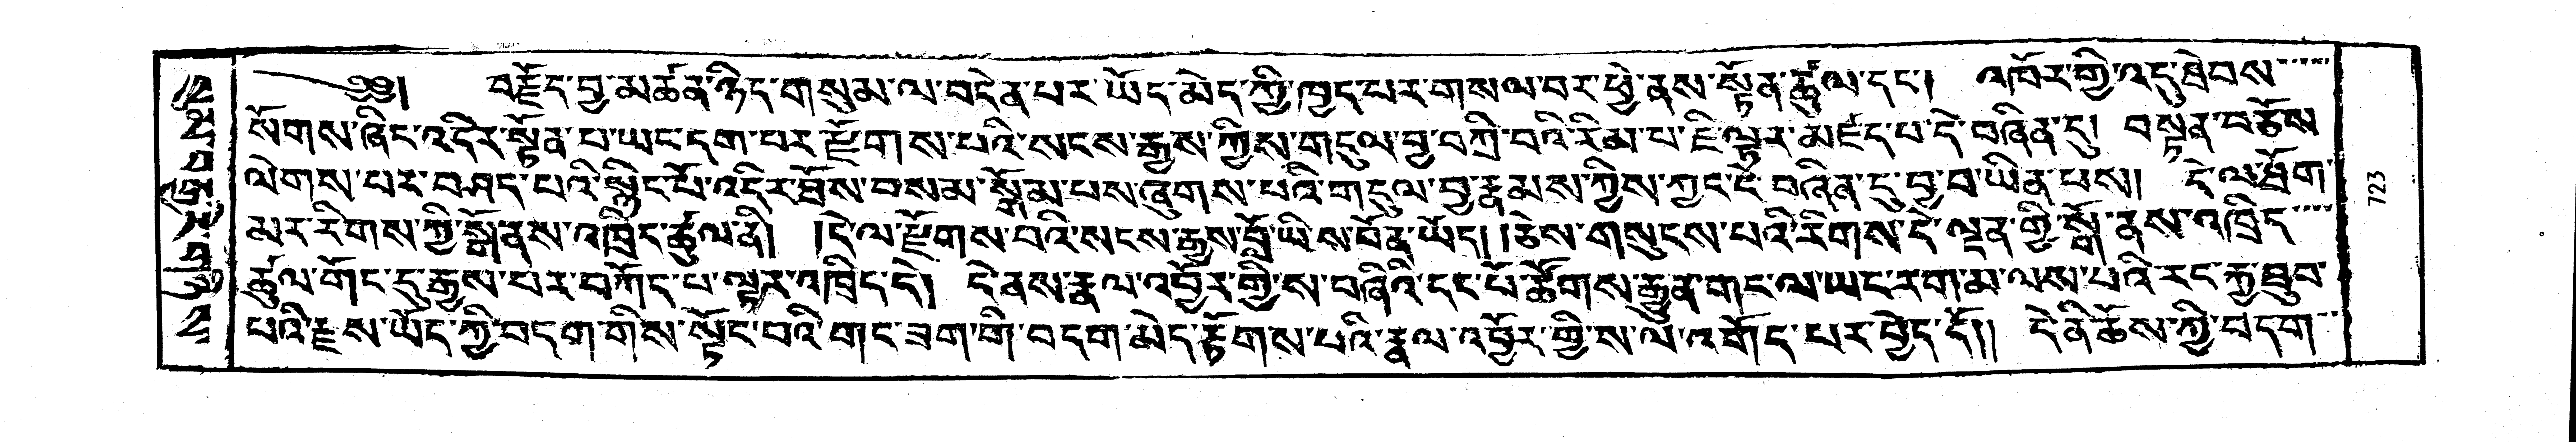༄༅། །བརྗོད་བྱ་མཚན་ཉིད་གསུམ་ལ་བདེན་པར་ཡོད་མེད་ཀྱི་ཁྱད་པར་གསལ་བར་ཕྱེ་ནས་སྟོན་ཚུལ་དང་། འཁོར་གྱི་འདུ་ཐེབས་
སོགས་ཞིང་འདིར་སྟོན་པ་ཡང་དག་པར་རྫོགས་པའི་སངས་རྒྱས་ཀྱི་གདུལ་བྱ་བཀྲི་བའི་རིམ་པ་ཇི་ལྟར་མཛད་པ་དེ་བཞིན་དུ། བསྟན་བཅོས་
ལེགས་པར་བཤད་པའི་སྙིང་པོ་འདིར་ཐོས་བསམ་སྒོམ་པས་ཞུགས་པའི་གདུལ་བྱ་རྣམས་ཀྱི་ཀྱང་དེ་བཞིན་དུ་བྱ་བ་ཡིན་པས། དེ་ལ་ཐོག་
མར་རིགས་ཀྱི་སྒོ་ནས་འཁྲིད་ཚུལ་ནི། །དེ་ལ་རྫོགས་པའི་སངས་རྒྱས་བློ་ཡི་ས་བོན་ཡོད། །ཅེས་གསུངས་པའི་རིགས་དེ་ལྡན་གྱི་སྒོ་ནས་འཁྲིད་
ཚུལ་གོང་དུ་རྒྱས་པར་བཀོད་པ་ལྟར་ཁྲིད་དེ། དེ་ནས་རྣལ་འབྱོར་གྱི་ས་བཞིའི་དང་པོ་ཚོགས་རྒྱུན་གང་ལ་ཡང་རག་མ་ལས་པའི་རང་རྐྱ་ཐུབ་
པའི་རྫས་ཡོད་ཀྱི་བདག་གིས་སྟོང་པའི་གང་ཟག་གི་བདག་མེད་རྟོགས་པའི་རྣལ་འབྱོར་གྱི་ས་ལ་འགོད་པར་བྱེད་དོ། །དེ་ནི་ཆོས་ཀྱི་བདག་